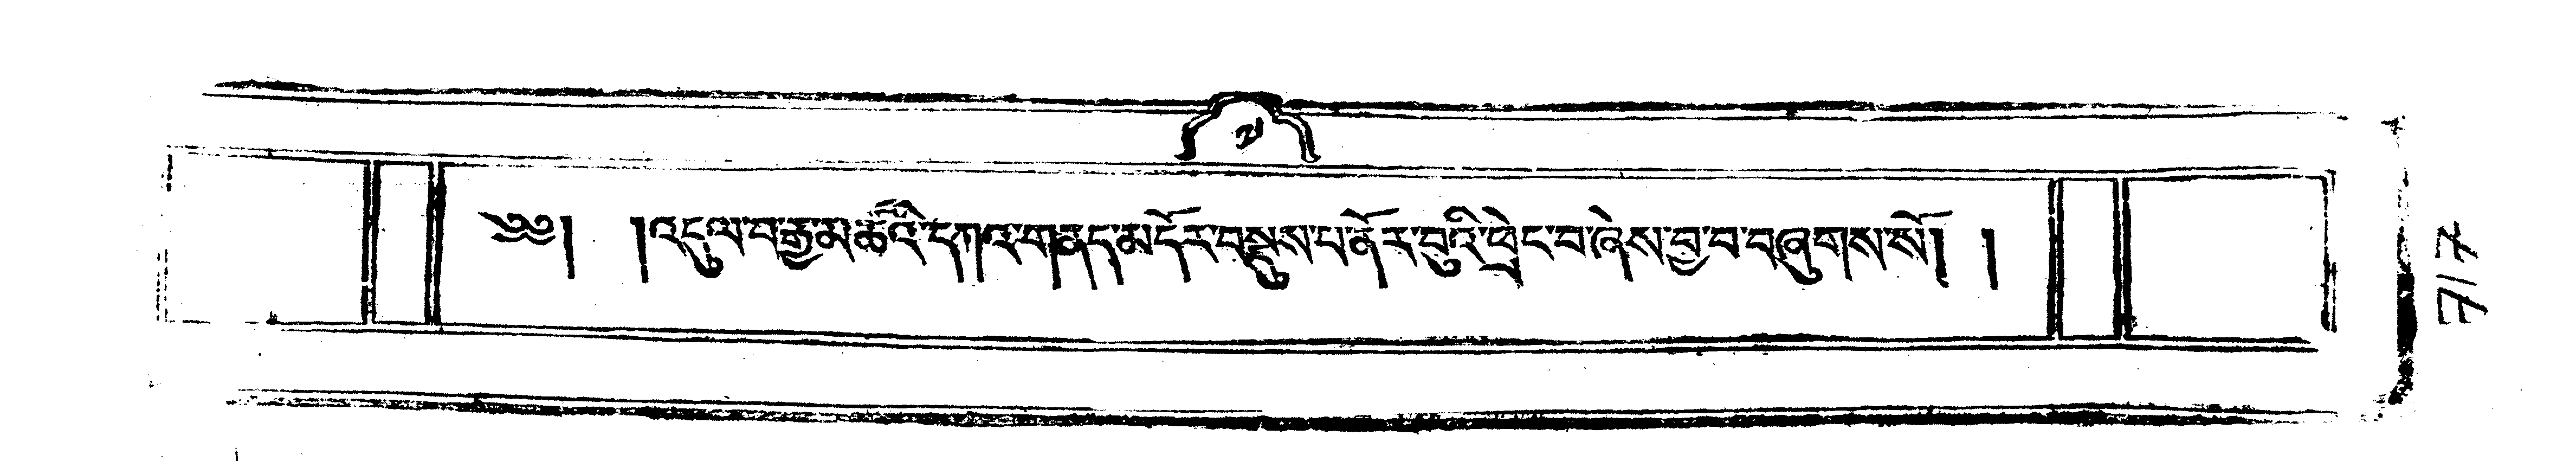༄༅། །འདུལ་བ་རྒྱ་མཚོའི་དཀའ་གནད་མདོར་བསྡུས་པ་ནོར་བུའི་ཕྲེང་བ་ཞེས་བྱ་བ་བཞུགས་སོ། །